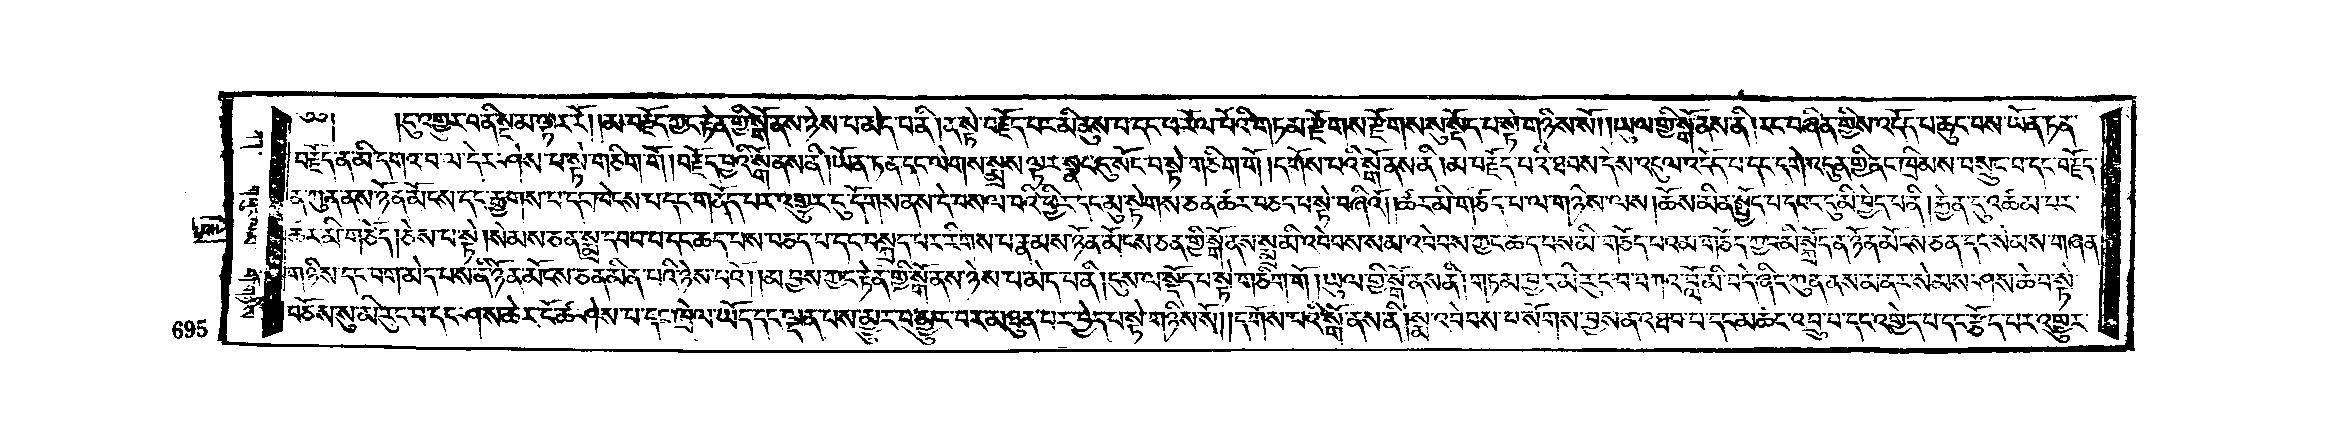༄༅། །དུ་འགྱུར་བ་ནི་སྔ་མ་ལྟར་རོ། །མ་བརྗོད་ཀྱང་རྟེན་གྱི་སྒོ་ནས་ཉེས་པ་མེད་པ་ནི། ན་སྟེ་བརྗོད་པར་མི་ནུས་པ་དང་ཕ་རོལ་པོའི་གཏམ་རྫོགས་རྫོགས་སུ་སྡོད་པ་སྟེ་གཉིས་སོ། །ཡུལ་གྱི་སྒོ་ནས་ནི། རང་བཞིན་གྱིས་འདོད་པ་ཆུང་བས་ཡོན་ཏན་
བརྗོད་ན་མི་དགའ་བ་ལ་དེར་ཤེས་པ་སྟེ་གཅིག་གོ །བརྗོད་བྱའི་སྒོ་ནས་ནི། ཡོན་ཏན་དང་ལེགས་སྨྲས་ལྟར་སྣང་དུ་སོང་བ་སྟེ་གཅིག་གོ །དགོས་པའི་སྒོ་ནས་ནི། མ་བརྗོད་པའི་ཐབས་དེས་འདུལ་འདོད་པ་དང་དགེ་འདུན་གྱི་ནང་ཁྲིམས་བསྲུང་བ་དང་བརྗོད་
ན་ཀུན་ནས་ཉོན་མོངས་དང་རྒྱགས་པ་དང་ཁེངས་པ་དང་གནོད་པར་འགྱུར་དུ་དོགས་ནས་དེ་བསལ་བའི་ཕྱིར་དང་མུ་སྟེགས་ཅན་ཚར་བཅད་པ་སྟེ་བཞིའོ། །ཚར་མི་གཅོད་པ་ལ་གཉིས་ལས། ཆོས་མིན་སྤྱོད་པ་དབང་དུ་མི་བྱེད་པ་ནི། རྐྱེན་དུ་འཚམ་པར་
ཚར་མི་གཅོད། ཅེས་པ་སྟེ། སེམས་ཅན་སྨྲ་དབབ་པ་དང་ཆད་པས་བཅད་པ་དང་བསྐྲད་པར་རིགས་པ་རྣམས་ཉོན་མོངས་ཅན་གྱི་སྒོ་ནས་སྨྲ་མི་འབེབས་སམ་འབེབས་ཀྱང་ཆད་པས་མི་གཅོད་པའམ་གཅོད་ཀྱང་མི་སྐྲོད་ན་ཉོན་མོངས་ཅན་དང་སེམས་གཞན་
གཉིས་དང་བག་མེད་པས་ནི་ཉོན་མོངས་ཅན་མིན་པའི་ཉེས་པའོ། །མ་བྱས་ཀྱང་རྟེན་གྱི་སྒོ་ནས་ཉེས་པ་མེད་པ་ནི། དུས་ལ་སྡོད་པ་སྟེ་གཅིག་གོ །ཡུལ་གྱི་སྒོ་ནས་ནི། གཏམ་བྱར་མི་རུང་བ་བཀའ་བློ་མི་བདེ་ཞིང་ཀུན་ནས་མནར་སེམས་ཤས་ཆེ་བ་སྟེ་
བཅོས་སུ་མི་རུང་བ་དང་ཤས་ཆེར་ངོ་ཚ་ཤེས་པ་དང་ཁྲེལ་ཡོད་དང་ལྡན་པས་མྱུར་བ་མྱུར་བར་མཐུན་པར་བྱེད་པ་སྟེ་གཉིས་སོ། །དགོས་པའི་སྒོ་ནས་ནི། སྨ་འབེབས་པ་སོགས་བྱས་ན་འཐབ་པ་དང་མཚང་འབྲུ་པ་དང་འགྱེད་པ་དང་རྩོད་པར་འགྱུར་